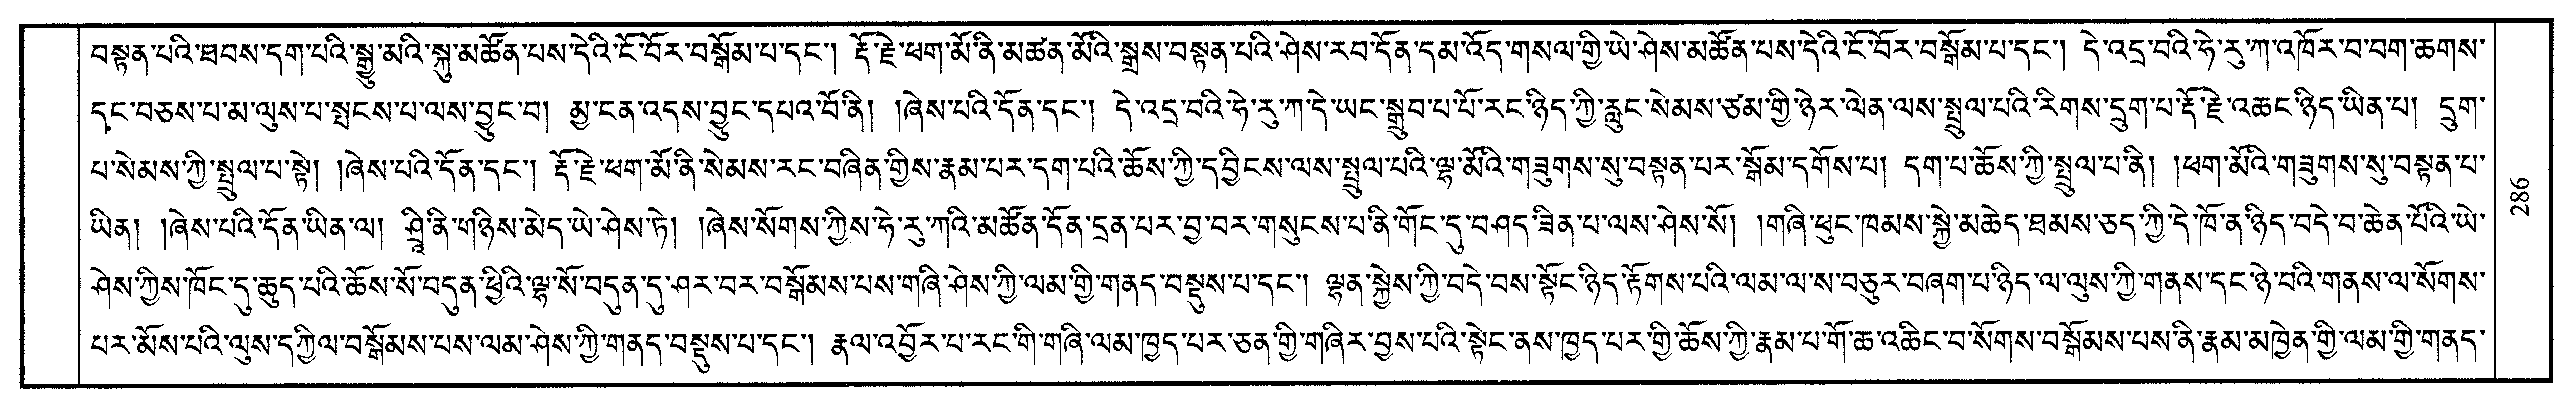བསྟན་པའི་ཐབས་དག་པའི་སྒྱུ་མའི་སྐུ་མཚོན་པས་དེའི་ངོ་བོར་བསྒོམ་པ་དང་། རྡོ་རྗེ་ཕག་མོ་ནི་མཚན་མོའི་སྒྲས་བསྟན་པའི་ཤེས་རབ་དོན་དམ་འོད་གསལ་གྱི་ཡེ་ཤེས་མཚོན་པས་དེའི་ངོ་བོར་བསྒོམ་པ་དང་། དེ་འདྲ་བའི་ཧེ་རུ་ཀ་འཁོར་བ་བག་ཆགས་
དང་བཅས་པ་མ་ལུས་པ་སྤངས་པ་ལས་བྱུང་བ། མྱ་ངན་འདས་བྱུང་དཔའ་བོ་ནི། །ཞེས་པའི་དོན་དང་། དེ་འདྲ་བའི་ཧེ་རུ་ཀ་དེ་ཡང་སྒྲུབ་པ་པོ་རང་ཉིད་ཀྱི་རླུང་སེམས་ཙམ་གྱི་ཉེར་ལེན་ལས་སྤྲུལ་པའི་རིགས་དྲུག་པ་རྡོ་རྗེ་འཆང་ཉིད་ཡིན་པ། དྲུག་
པ་སེམས་ཀྱི་སྤྲུལ་པ་སྟེ། །ཞེས་པའི་དོན་དང་། རྡོ་རྗེ་ཕག་མོ་ནི་སེམས་རང་བཞིན་གྱིས་རྣམ་པར་དག་པའི་ཆོས་ཀྱི་དབྱིངས་ལས་སྤྲུལ་པའི་ལྷ་མོའི་གཟུགས་སུ་བསྟན་པར་སྒོམ་དགོས་པ། དག་པ་ཆོས་ཀྱི་སྤྲུལ་པ་ནི། །ཕག་མོའི་གཟུགས་སུ་བསྟན་པ་
ཡིན། །ཞེས་པའི་དོན་ཡིན་ལ། ཤྲཱི་ནི་གཉིས་མེད་ཡེ་ཤེས་ཏེ། །ཞེས་སོགས་ཀྱིས་ཧེ་རུ་ཀའི་མཚོན་དོན་དྲན་པར་བྱ་བར་གསུངས་པ་ནི་གོང་དུ་བཤད་ཟིན་པ་ལས་ཤེས་སོ། །གཞི་ཕུང་ཁམས་སྐྱེ་མཆེད་ཐམས་ཅད་ཀྱི་དེ་ཁོ་ན་ཉིད་བདེ་བ་ཆེན་པོའི་ཡེ་
ཤེས་ཀྱིས་ཁོང་དུ་ཆུད་པའི་ཆོས་སོ་བདུན་ཕྱིའི་ལྷ་སོ་བདུན་དུ་ཤར་བར་བསྒོམས་པས་གཞི་ཤེས་ཀྱི་ལམ་གྱི་གནད་བསྡུས་པ་དང་། ལྷན་སྐྱེས་ཀྱི་བདེ་བས་སྟོང་ཉིད་རྟོགས་པའི་ལམ་ལ་ས་བཅུར་བཞག་པ་ཉིད་ལ་ལུས་ཀྱི་གནས་དང་ཉེ་བའི་གནས་ལ་སོགས་
པར་མོས་པའི་ལུས་དཀྱིལ་བསྒོམས་པས་ལམ་ཤེས་ཀྱི་གནད་བསྡུས་པ་དང་། རྣལ་འབྱོར་པ་རང་གི་གཞི་ལམ་ཁྱད་པར་ཅན་གྱི་གཞིར་བྱས་པའི་སྟེང་ནས་ཁྱད་པར་གྱི་ཆོས་ཀྱི་རྣམ་པ་གོ་ཆ་འཆིང་བ་སོགས་བསྒོམས་པས་ནི་རྣམ་མཁྱེན་གྱི་ལམ་གྱི་གནད་